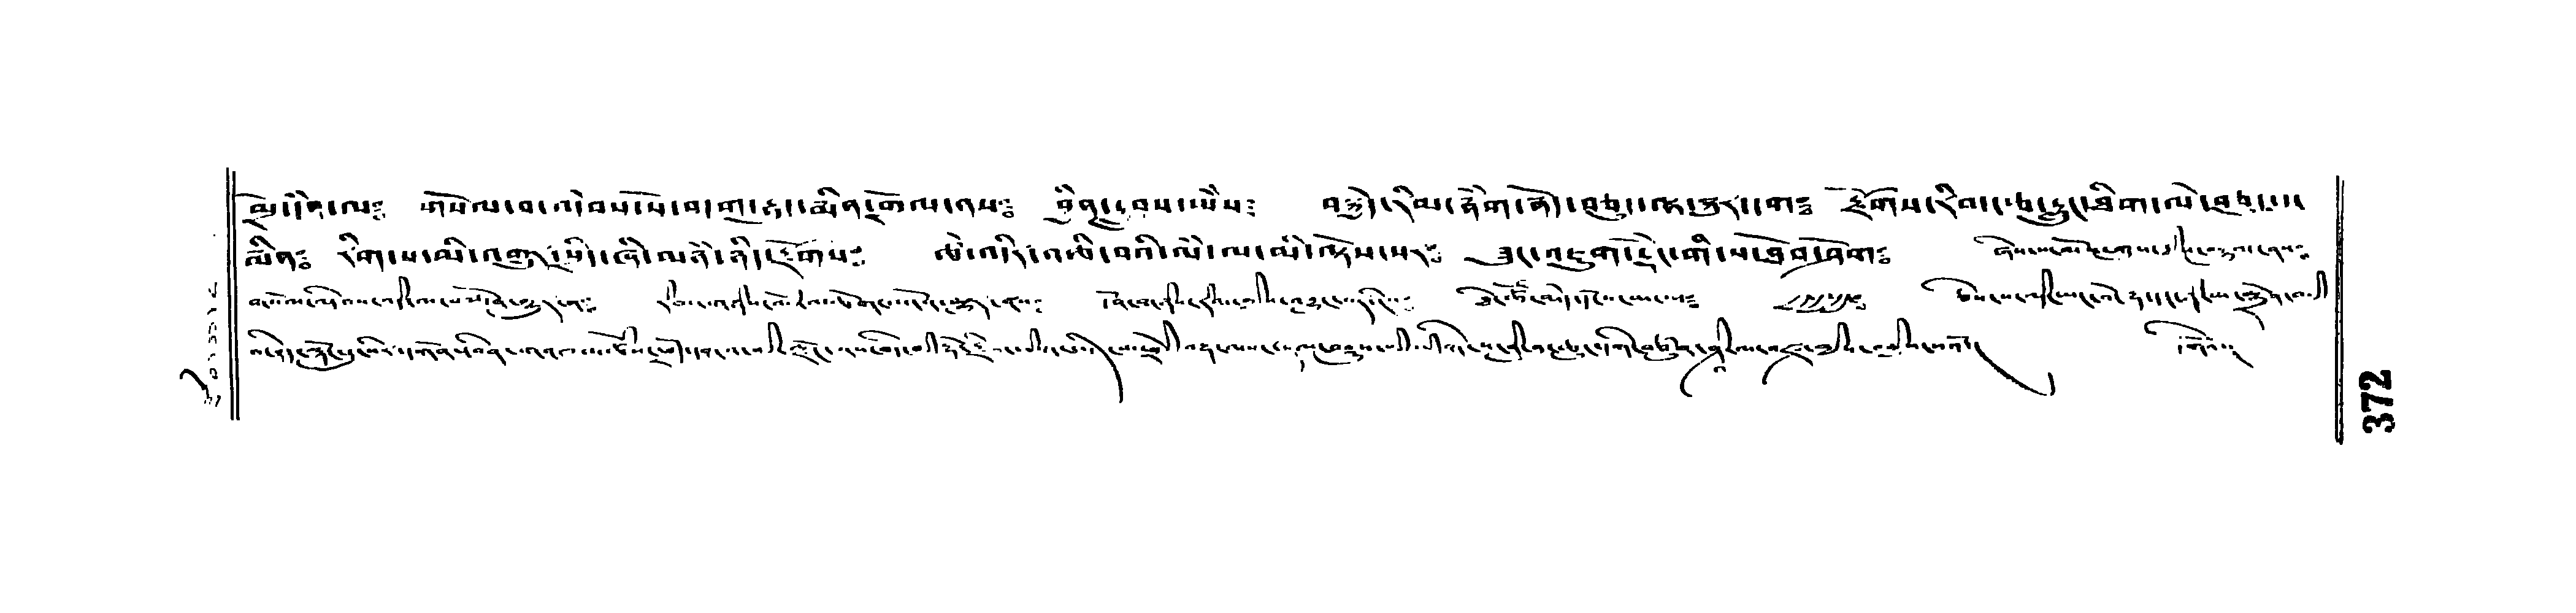མཁའ་འགྲོ་དམ་ཅན་ལ༔ གསོལ་བ་འདེབས་སོ་བདག་རྒྱུད་སྨིན་གྲོལ་ནས༔ བྱིན་རླབས་ཡེ་ཤེས༴ བསྐྱེད་རིམ་རྣམ་དག་སྣོད་བཅུད་ལྷ་སྐུར་དག༔ རྫོགས་རིམ་རྩ་རླུང་ཐིག་ལེ་བཅུད་དུ་
སྨིན༔ རིག་པ་མི་འགྱུར་སྲིད་ཞི་མཉམ་ཉིད་རྫོགས༔ ཚེ་འདིར་འཆི་བའི་ལམ་ལ་མི་ལྟོས་པར༔ ཟུང་འཇུག་རྡོ་རྗེ་འཆང་གི་ས་ཐོབ་ཤོག༔ ཞེས་པ་མོས་གུས་ཀྱིས་བསྐུལ་ནས༔ 
གསོལ་འདེབས་འདི་ལ་བརྩོན་གྱུར་ན༔ རིམ་གཉིས་ལམ་མཆོག་མངོན་གྱུར་ནས༔ དོན་གཉིས་རིམ་གྱིས་འབྱུང་བར་ངེས༔ ཐེ་ཚོམ་མེད་དོ་ས་མ་ཡ༔ རྒྱ་རྒྱ་རྒྱ༔ ཅེས་པ་འདི་ཡང་བོ་དྷ་དང་ཉི་མ་སྒྲོན་མའི་
བཞེད་སྐོང་དུ་སེར་དགོན་དབེན་གནས་མཚམས་ཁྲོད་དགའ་བའི་ལྗོངས་ནས་བདེ་བའི་རྡོ་རྗེས་ཡིག་མེད་མཁའ་འགྲོའི་བརྡ་ལས་ཞལ་བཤུས་པའི་ཡི་གེ་པ་ནི་བུ་ཆུང་དགེ་བཙུན་ཤཱི་ལ་བཛྲ་གྱིས་བགྱིས་པའོ།། མངྒ་ལམ།།